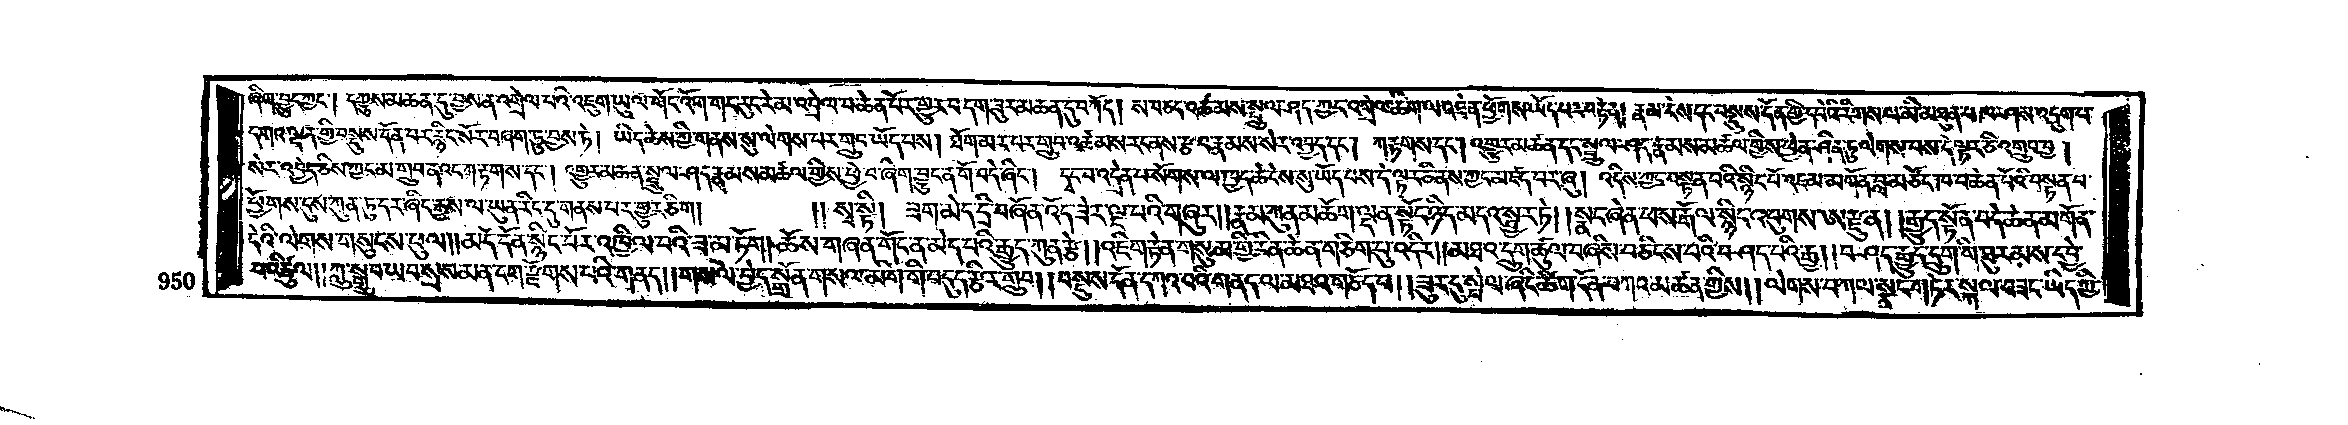ཞིག་བྱུང་ཀྱང་། དཀྱུས་མཚན་དུ་བྱས་ན་འགྲེལ་པའི་འཇུག་ཡུལ་གོང་འོག་གང་རུང་རེ་མ་འབྲེལ་པ་ཆེན་པོར་གྱུར་བདག་ཟུར་མཚན་དུ་བཀོད། ས་བཅད་འཚམས་སྲུལ་ཤད་ཀྱང་འགྲེལ་ཚིག་ལ་འཐེན་ཕྱོགས་ཡོད་པར་བརྟེན། རྣམ་ངེས་དང་བསྡུས་དོན་གྱི་དཔེའི་རིགས་ལ་མི་མཐུན་པ་ཁ་ཤས་འདུག་པ་
དགའ་ལྡན་གྱི་བསྡུས་དོན་པར་རྙིང་སོར་བཞག་ཏུ་བྱས་ཏེ། ཡིད་ཆེས་ཀྱི་གནས་སུ་ལེགས་པར་གྲུབ་ཡོད་པས། ཐོག་མར་ངར་གྲུབ་འཚམས་རང་ནས་རྩ་བ་རྣམས་སེར་འབྱེད་དང་། ཀ་རྟགས་དང་། འགྱུར་མཚན་དང་སྤྲུལ་ཤད་རྣམས་མཚལ་གྱིས་ཕྱེ་ན་ཤིན་ཏུ་ལེགས་པས་དེ་ལྟར་ཅི་འགྲུབ་བྱ།
སེར་འབྱེད་ཅིས་ཀྱང་མ་གྲུབ་ནའང་ཀ་རྟགས་དང་། འགྱུར་མཚན་སྤྲུལ་ཤད་རྣམས་མཚལ་གྱིས་ཕྱེ་བ་ཞིག་བྱུང་ན་གོ་བདེ་ཞིང་། དྭང་བ་འདྲེན་པ་སོགས་ལ་ཁྱད་ཆེ་ངེས་སུ་ཡོད་པས་དེ་ལྟར་ཅི་ནས་ཀྱང་མཛད་པར་ཞུ། འདིས་ཀྱང་བསྟན་པའི་སྙིང་པོ་འཇམ་མགོན་བླ་མ་ཙོང་ཁ་པ་ཆེན་པོའི་བསྟན་པ་
ཕྱོགས་དུས་ཀུན་ཏུ་དར་ཞིང་རྒྱས་ལ་ཡུན་རིང་དུ་གནས་པར་གྱུར་ཅིག ། །།སྭ་སྟི། ཟག་མེད་དྲི་བཞོན་འོད་ཟེར་ལྔ་པའི་གཞུར། །རྣམ་ཀུན་མཆོག་ལྡན་སྟོང་ཉིད་མདའ་སྦྱར་ཏེ། །སྣང་ཞེན་ཕས་རྒོལ་སྙིང་འབུགས་ཨརྫུ་ན། །རྒྱུད་སྟོན་བདེ་ཆེན་མགོན་
དེའི་ལེགས་གསུངས་ཕུལ། །མདོ་དོན་སྙིང་པོར་འཁྱིལ་བའི་ཟ་མ་ཏོག །ཆོས་གཞན་གོང་ན་མེད་པའི་རྒྱུད་ཀུན་རྩེ། །འཇིག་རྟེན་གསུམ་གྱི་རིན་ཆེན་གཅིག་པུ་འདིར། །མཐའ་དྲུག་ཚུལ་བཞིས་བཅིངས་པའི་བཤད་པའི་རྒྱ། །བཤད་རྒྱུད་དྲུག་གི་ཐུར་མས་དབྱེ་
བའི་ཚུལ། །ཀླུ་སྒྲུབ་ཡབ་སྲས་མན་ངག་རྫོགས་པའི་གནད། །གསལ་བྱེད་སྒྲོན་གསལ་མིག་གི་བདུད་རྩིར་གྲུབ། །བསྡུས་དོན་དཀའ་བའི་གནད་ལ་མཐའ་གཅོད་པ། །ཟུར་དུ་སྤེལ་ཞིང་ཚིག་དོན་བཀའ་མཚན་གྱིས། །ལེགས་བཀྲལ་སྣང་གཏེར་སྐལ་བཟང་ཡིད་ཀྱི་